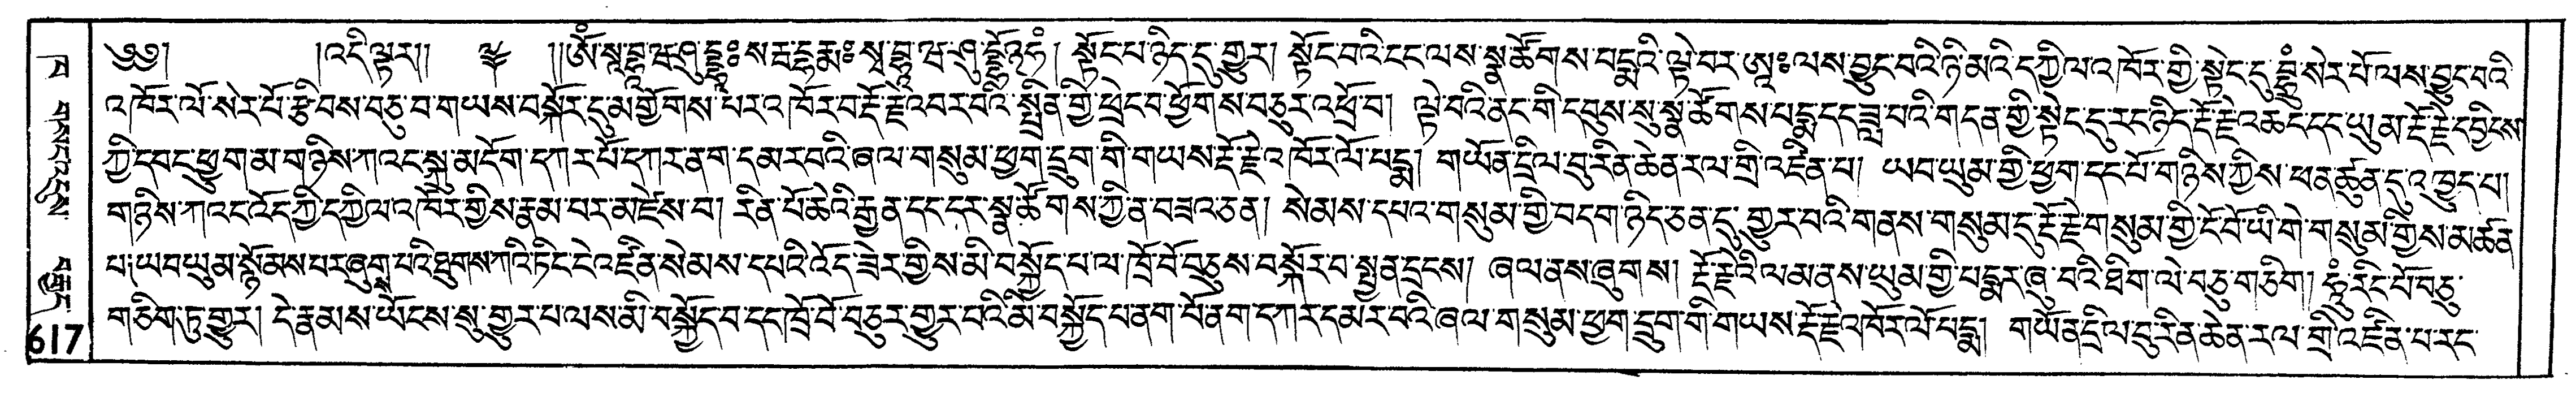༄༅། །འདི་ལྟར།། ༈ །།ཨོཾ་སཱ་བྷཱ་ཝ་ཤུ་དྡྷཱཿ སརྦ་དྷརྨཿ སྭ་བྷཱ་ཝ་ཤུ་དྡྷོཉྷཾ། སྟོང་པ་ཉིད་དུ་གྱུར། སྟོང་བའི་ངང་ལས་སྣ་ཚོགས་པདམའི་ལྟེ་བར་ཨཱཿ ལས་བྱུང་བའི་ཉི་མའི་དཀྱིལ་འཁོར་གྱི་སྟེང་དུ་བྷྲུཾ་སེར་པོ་ལས་བྱུང་བའི་
འཁོར་ལོ་སེར་པོ་རྩིབས་བཅུ་བ་གཡས་བསྐོར་དུ་མགྱོགས་པར་འཁོར་བ་རྡོ་རྗེ་འབར་བའི་སྤྲིན་གྱི་ཕྲེང་བ་ཕྱོགས་བཅུར་འཕྲོ་བ། ལྟེ་བའི་ནང་གི་དབུས་སུ་སྣ་ཚོགས་པདམ་དང་ཟླ་བའི་གདན་གྱི་སྟེང་དུ་རང་ཉིད་རྡོ་རྗེ་འཆང་དང་ཡུམ་རྡོ་རྗེ་དབྱིངས་
ཀྱི་དབང་ཕྱུག་མ་གཉིས་ཀའང་སྐུ་མདོག་དཀར་པོ་དཀར་ནག་དམར་བའི་ཞལ་གསུམ་ཕྱག་དྲུག་གི་གཡས་རྡོ་རྗེ་འཁོར་ལོ་པདམ། གཡོན་དྲིལ་བུ་རིན་ཆེན་རལ་གྲི་འཛིན་པ། ཡབ་ཡུམ་གྱི་ཕྱག་དང་པོ་གཉིས་ཀྱིས་ཕན་ཚུན་དུ་འཁྱུད་པ།
གཉིས་ཀའང་འོད་ཀྱི་དཀྱིལ་འཁོར་གྱིས་རྣམ་པར་མཛེས་བ། རིན་པོ་ཆེའི་རྒྱན་དང་དར་སྣ་ཚོགས་ཀྱི་ན་བཟའ་ཅན། སེམས་དཔའ་གསུམ་གྱི་བདག་ཉིད་ཅན་དུ་གྱུར་པའི་གནས་གསུམ་དུ་རྡོ་རྗེ་གསུམ་གྱི་ངོ་བོ་ཡི་གེ་གསུམ་གྱིས་མཚན་
པ༑ ཡབ་ཡུམ་སྙོམས་པར་ཞུགས་པའི་ཐུགས་ཀའི་ཏིང་ངེ་འཛིན་སེམས་དཔའི་འོད་ཟེར་གྱིས་མི་བསྐྱོད་པ་ལ་ཁྲོ་བོ་བཅུས་བསྐོར་བ་སྤྱན་དྲངས། ཞལ་ནས་ཞུགས། རྡོ་རྗེའི་ལམ་ནས་ཡུམ་གྱི་པདམར་ཞུ་བའི་ཐིག་ལེ་བཅུ་གཅིག །ཧཱུཾ་རིང་པོ་བཅུ་
གཅིག་ཏུ་གྱུར། དེ་རྣམས་ཡོངས་སུ་གྱུར་པ་ལས་མི་བསྐྱོད་བ་དང་ཁྲོ་བོ་བཅུར་གྱུར་བའི་མི་བསྐྱོད་པ་ནག་པོ་ནག་དཀར་དམར་བའི་ཞལ་གསུམ་ཕྱག་དྲུག་གི་གཡས་རྡོ་རྗེ་འཁོར་ལོ་པདམ། གཡོན་དྲིལ་བུ་རིན་ཆེན་རལ་གྲི་འཛིན་པ་རང་